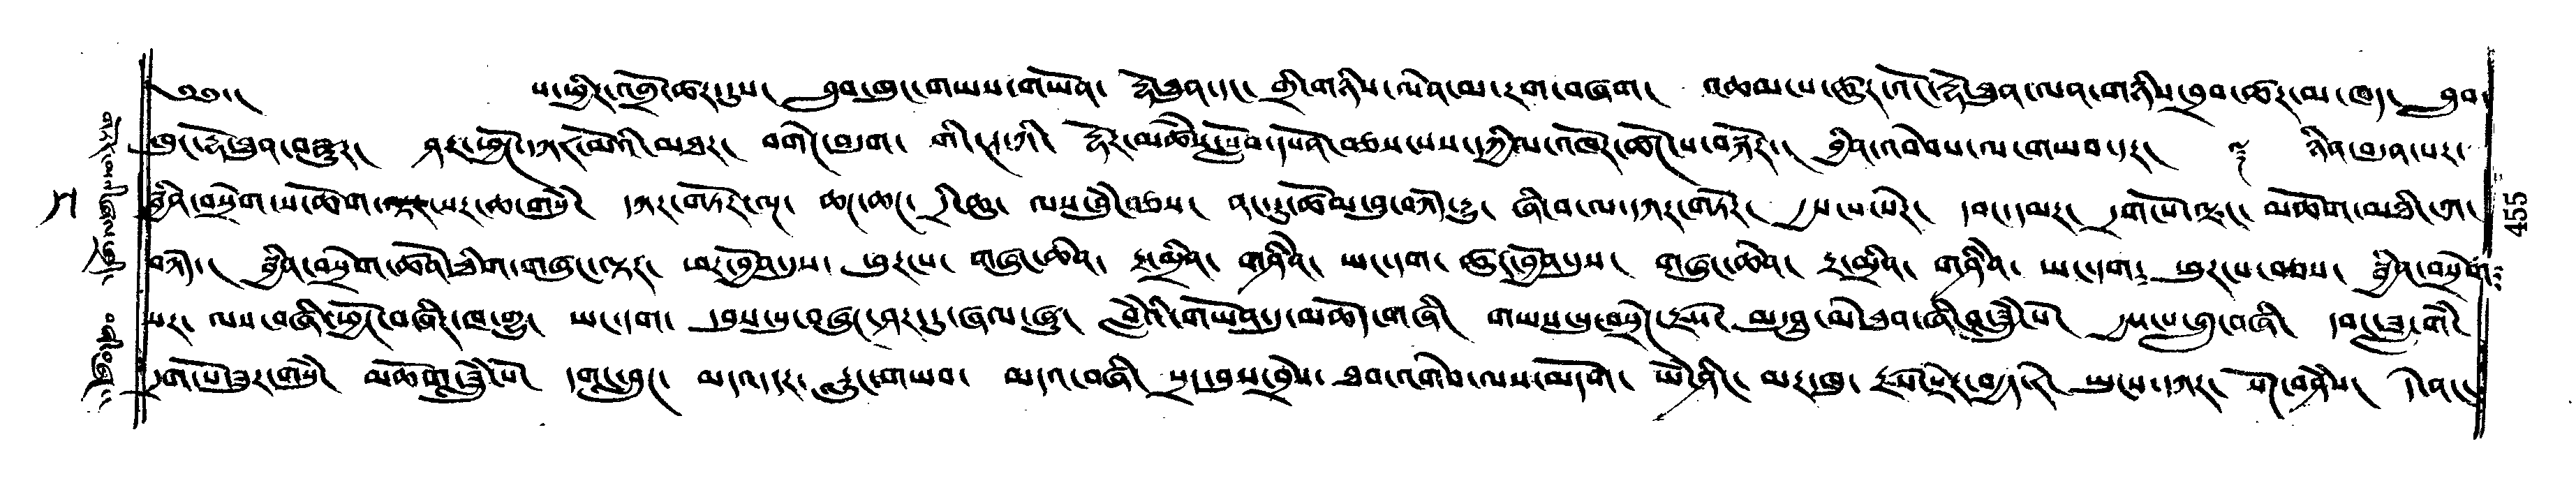པ་ཕྱིར་འགྲོ་ཚར་དུས། བྲུབ་ཁུང་གཡས་གཡོན། རྡོ་ཐུན་དང་། གྲི་གཉིས་ལེན་མ་རག་བཞག འཆམ་པ་ཚུར་འོང་རྡོ་ཐུན་ལན་གཉིས་བྲབ་ཚར་མ་ཁད། བྲུབ་
ཁུང་རྡོ་ཐུན་བསྣུན། ཤར་ཕྱོགས་དཀར་མོའི་མཐར། བགེགས་བདུག གིང་ཊ་ཀི རྡོར་མཚམས་སློབ་དཔོན་བཅས་པས་དཀྱིལ་འཁོར་ཚོགས་པ་བསྐོར། བྱིན་འབེབས་ལ་གཡབ་དར། ༈ ཉིན་བདུན་པར། 
སྦྱིན་སྲེག་ས་ཆོག་སར་ཆ་གསུམ། དཀར་གཏོར་ལྔ། ཆག་ཆག དྲི་ཆུ། ལས་བུམ་བཅས། ནང་དུ་ཚོམ་བུ་བཀོད་རྒྱུ། ཞི་བ་ལ་དཀར་གཏོར། རྒྱས་པ་སེར། དབང་དམར། དྲག་པོ་ལྗང་། མཆོག་མཐིང་ག་
བཀོད། སྦྱིན་སྲེག་ཚོན་ཐིག་གཞུང་ལྟར། ཕར་བྱོན་དུས། ཕུར་པ། གཞུང་ཆེན། རྟ་མགྲིན། གཤིན་རྗེ། ཡང་དག ཚུར་བྱོན་དུས། གཞུང་ཆེན། རྟ་མགྲིན། གཤིན་རྗེ།ཡང་དག ཕུར་པ་བཅས། སྦྱིན་སྲེག་
སར། ལས་བཞི་ཕྱོགས་བཞིར་ཁ་གྱུ། ཡང་དག་དབུས་སུ་བཞུགས། ཤར་དུ་ཞལ་གྱུ། བླ་མའི་གཡོན་དུ་མཆོད་གཞི། གཡས་སུ་སྲེག་རྫས། མདུན་དུ་མེ་ཐབ་ཞི་བ་ཟླུམ་པོ། རྒྱས་པ་གྲུ་བཞི། དབང་ཟླ་གམ། 
དྲག་པོ་ཟུར་གསུམ། མཆོག་ཟླུམ་པོ། དགང་བླུགས། མདའ་དར། རླུང་གཡབ། མདའ་བཞི་སྲད་བུས་བྲེས། ཐབ་འགེབ་ལས་མདོག ཡམ་ཤིང་། མར་ཁུ། རྫས་སྡེར་བརྒྱད་རེ། ཡུངས་དཀར་སོགས་བཤམ། དེ་ནང་